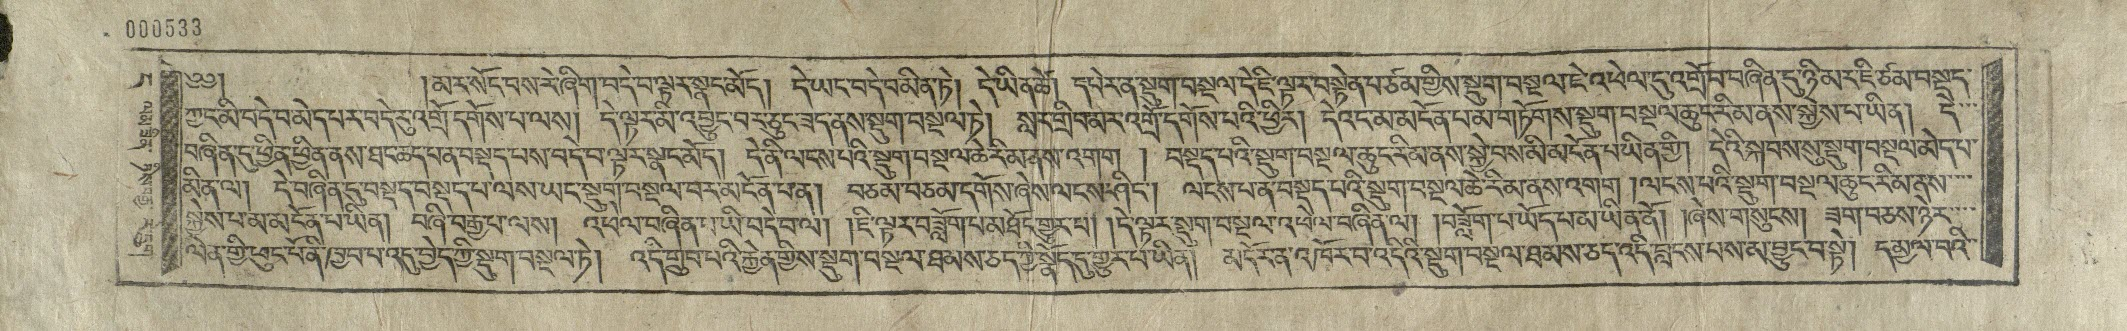༄༅། །མར་སོང་བས་རེ་ཞིག་བདེ་བ་ལྟར་སྣང་མོད། དེ་ཡང་བདེ་བ་མིན་ཏེ། དེ་ཡིན་ཚེ། དཔེར་ན་སྡུག་བསྔལ་དེ་ཇི་ལྟར་བསྟེན་པ་ཙམ་གྱིས་སྡུག་བསྔལ་ཇི་འཕེལ་དུ་འགྲོ་བ་བཞིན་དུ་ཉི་མར་ཇི་ཙམ་བསྡད་
ཀྱང་མི་བདེ་བ་མེད་པར་བདེ་རུ་འགྲོ་དགོས་པ་ལས། དེ་ལྟར་མི་འབྱུང་བར་ཅུང་ཟད་ནས་སྡུག་བསྔལ་ཏེ། སླར་གྲིབ་མར་འགྲོ་དགོས་པའི་ཕྱིར། དེའང་མ་མངོན་པ་མ་གཏོགས་སྡུག་བསྔལ་ཆུང་རིམ་ནས་སྐྱེས་པ་ཡིན། དེ་
བཞིན་དུ་ཕྱིན་ཕྱིན་ནས་ཐང་ཆད་པ་ན་བསྡད་པས་བདེ་བ་ལྟར་སྣང་མོད། དེ་ནི་ལངས་པའི་སྡུག་བསྔལ་ཆེ་རིམ་ནས་འགག །བསྡད་པའི་སྡུག་བསྔལ་ཆུང་རིམ་ནས་སྐྱེ་བས་མི་མངོན་པ་ཡིན་གྱི། དེའི་སྐབས་སུ་སྡུག་བསྔལ་མེད་པ་
མིན་ལ། དེ་བཞིན་དུ་བསྡད་བསྡད་པ་ལས་ཡང་སྡུག་བསྔལ་བར་མངོན་པ་ན། བཅམ་བཅམ་དགོས་ཞེས་ལངས་ཤིང་། ལངས་པ་ན་བསྡད་པའི་སྡུག་བསྔལ་ཆེ་རིམ་ནས་འགག །ལངས་པའི་སྡུག་བསྔལ་ཆུང་རིམ་ནས་
སྐྱེས་པ་མ་མངོན་པ་ཡིན། བཞི་བརྒྱ་པ་ལས། འཕེལ་བཞིན་པ་ཡི་བདེ་བ་ལ། །ཇི་ལྟར་བཟློག་པ་མཐོང་གྱུར་པ། །དེ་ལྟར་སྡུག་བསྔལ་འཕེལ་བཞིན་ལ། །བཟློག་པ་ཡོད་པ་མ་ཡིན་ནོ། །ཞེས་གསུངས། ཟག་བཅས་ཉེར་
ལེན་གྱི་ཕུང་པོ་ནི་ཁྱབ་པ་འདུ་བྱེད་ཀྱི་སྡུག་བསྔལ་ཏེ། འདི་གྲུབ་པའི་རྐྱེན་གྱིས་སྡུག་བསྔལ་ཐམས་ཅད་ཀྱི་སྣོད་དུ་གྱུར་པ་ཡིན། མདོར་ན་འཁོར་བ་འདིའི་སྡུག་བསྔལ་ཐམས་ཅད་འདི་བླངས་པས་མ་བྱུང་བ་སྟེ། དམྱལ་བའི་